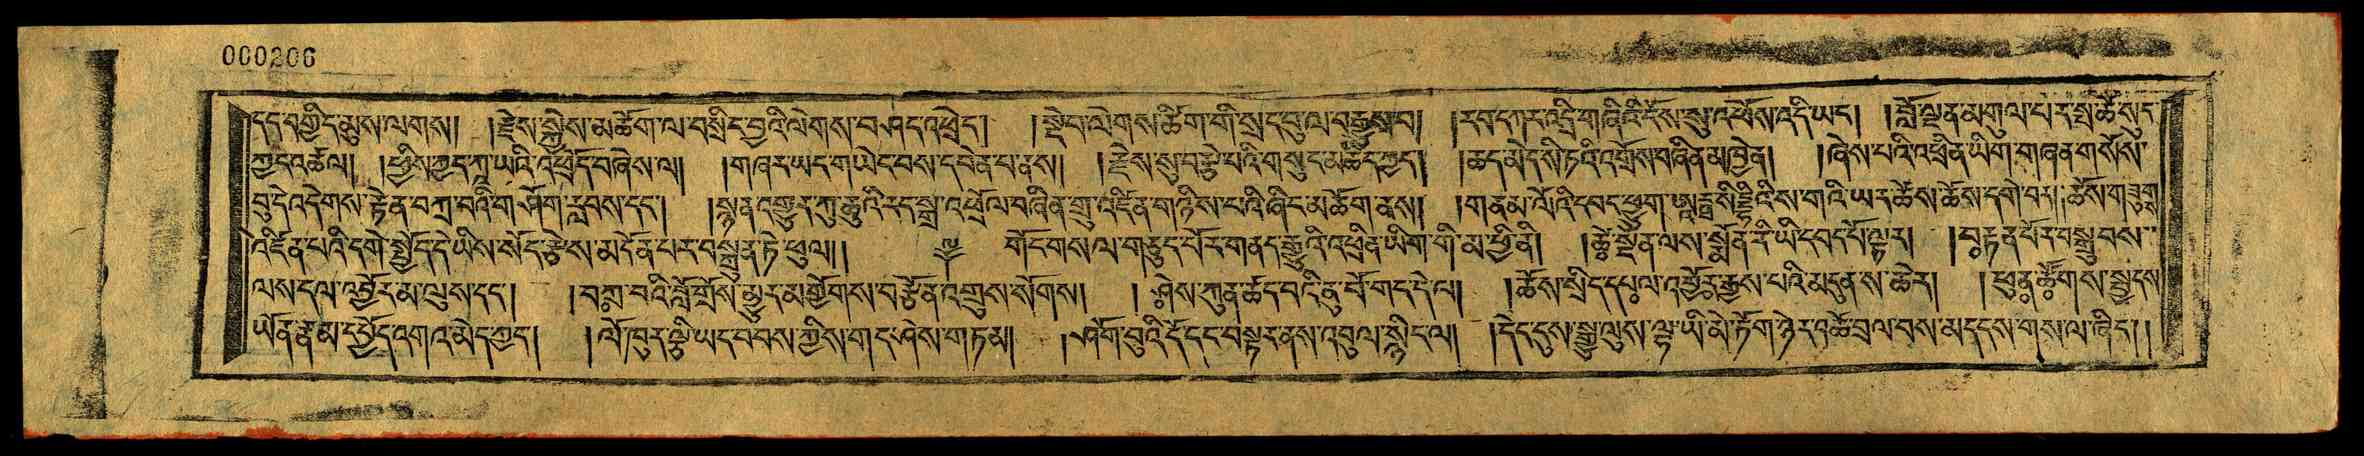དང་བགྱིད་མུས་ལགས། །རྗེས་སྐྱེས་མཆོག་ལ་བསྲིང་བྱའི་ལེགས་བཤད་འཕྲེང་། །སྡེབ་ལེགས་ཚིག་གི་སྲད་བུ་ལ་བརྒྱས་པ། །རབ་དཀར་འདྲི་གཞིའི་ངོས་སུ་འཕོས་འདི་ཡང་། །བློ་ལྡན་མགུལ་པར་སྒྲ་ཚེ་སུད་
ཀྱང་འཚལ། །ཕྱིས་ཀང་ཀཱ་ཡའི་འཕྲོད་བཞེས་ལ། །གཞར་ཡང་གཡེང་བས་དབེན་པ་ནས། །རྗེས་སུ་བརྩེ་བའི་གསུངས་མཆོད་ཀྱང་། །ཆད་མེད་སི་ཏའི་འགྲོས་བཞིན་མཁྱེན། །ཞེས་པའི་འཕྲིན་ཡིག་གཞན་གསོས་
བུ་དེ་འདེགས་རྟེན་བཀྲ་བའི་གཤོག་རླབས་དང་། །སྙན་འགྱུར་ཀུ་ཧུའི་རང་སྒྲ་འཕྲོལ་བཞིན་གྲ་འཛིན་གཉིས་པའི་ཞིང་མཆོག་ནས། །གནམ་ལོའི་དབང་ཕྱིག་ཨཱཏྠ་སིདྡྷིའི་ས་གའི་ཡར་ཚེས་ཆེས་དགེ་བར། །ཆོས་གཟུགས་
འཛིན་པའི་དགེ་སྦྱོར་དེ་ཡིས་སོར་རྩེས་མངོན་པར་བསྐྲུན་ཏེ་ཕུལ།། འ་གོང་གསལ་བཅུང་པོར་གནང་རྒྱུའི་འཕྲིན་ཡིག་གི་མ་ཕྱི་ནི། །ཚེ྾་སྔོན་ལས་སྨོན་རི་ཡི་དབང་པོ་ལྟར། །བརྟན་པོར་བསྒྲུབས་
ལས་དལ་འབྱོར་མི་ལུས་དང་། །བཀྲ་བའི་བློ་གྲོས་མྱུར་མགྱོགས་བརྩོན་འགྲུས་སོགས། །ཤེས྾་ཀུན་ཚང་བའི་ནུ་བོ་གང་དེ་ལ། །ཆོས་སྲིད་དཔལ྾་འབྱོར་རྒྱས་པའི་མདུན་ས་ཆེར། །ཕུན྾་ཚོགས་སྦྱངས་
ཡོན་རྣམ་དཔྱོད་འགའ་མེད་ཀྱང་། །ལོ་ཁུར་ལྕི་ཡང་བབས་ཀྱིས་གང་ཤེས་གཏམ། །ཤོག་བུའི་དོ་རར་བསྟར་ནས་འབུལ་སྙིང་ལ། །དེང་དུས་སྒྱུ་ལུས་ལྷ་ཡི་མེ་ཏོག་ཉེར་འཚེ་བྲལ་བས་མདངས་གསལ་ཞིང་། །